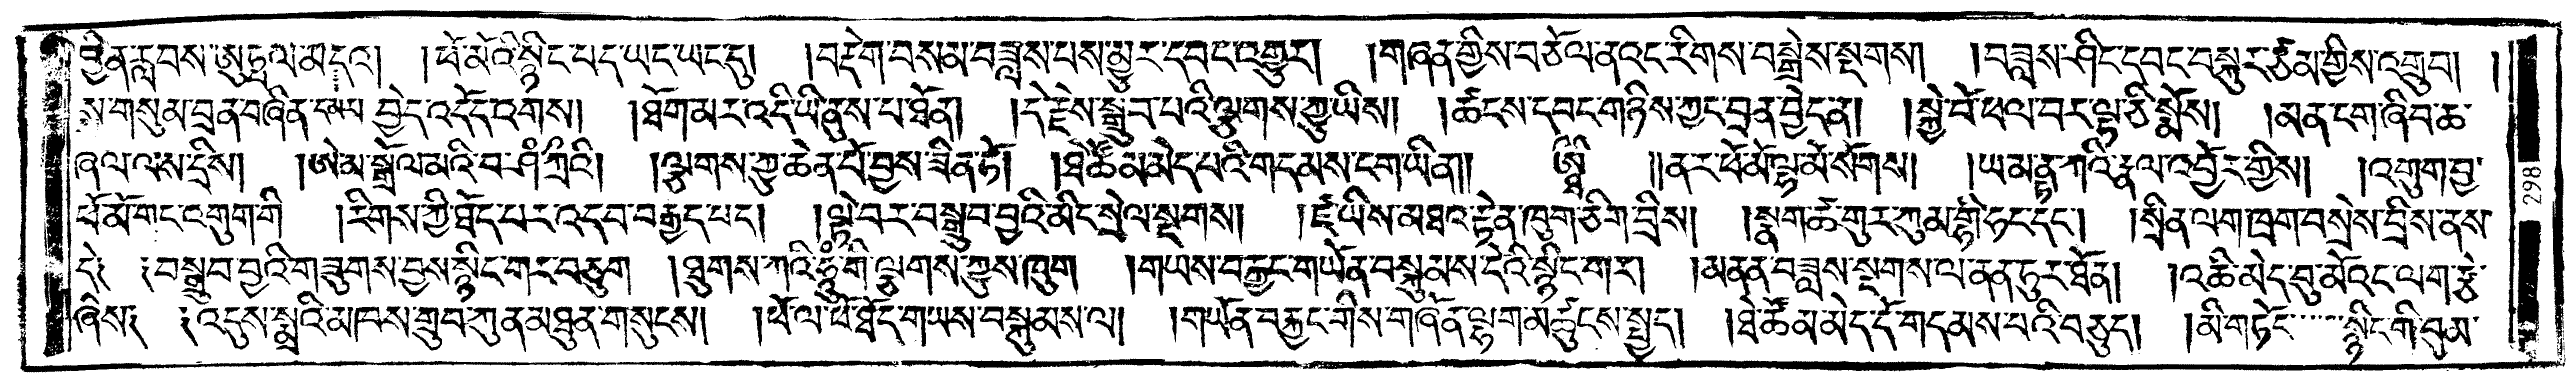བྱིན་རླབས་ཨུཏྤལ་མདའ་དམར།  །ཕོ་མོའི་སྙིང་པད་ཡང་ཡང་དུ། །བརྡེག་བསམ་བཟླས་པས་མྱུར་དབང་འགྱུར། །གཞན་གྱིས་བཅོལ་ནའང་རིགས་བསྒྲེས་སྔགས། །བཟླས་ཤིང་དབང་བསྐུར་ཙམ་གྱིས་འགྲུབ། །
ས་གསུམ་བྲན་བཞིན་བྱེད་འདོད་འགས། །ཐོག་མར་འདི་ཡི་ནུས་པ་ཐོན། །དེ་རྗེས་སྒྲུབ་པའི་ལྕགས་ཀྱུ་ཡིས། །ཚངས་དབང་གཉིས་ཀྱང་བྲན་བྱེད་ན། །སྐྱེ་བོ་ཕལ་བར་ལྷ་ཅི་སྨོས། །མན་ངག་ཞིབ་ཆ་
ཞལ་ལས་དྲིས། །ཨེ་མ་སྒྲོལ་མའི་བ་ཤཾ་ཀྲྀའི། །ལྕགས་ཀྱུ་ཆེན་པོ་བྱས་ཟིན་ཏོ། །ཐེ་ཚོམ་མེད་པའི་གདམས་ངག་ཡིན།། ཨྀཐི་།།ན་ར་ཕོ་མོ་ལྷ་མོ་སོགས། །ཡམ་ནྟ་ཀའི་རྣལ་འབྱོར་གྱིས། །འགུག་བྱ་
ཕོ་མོ་གང་འགུག་གི །རིགས་ཀྱི་ཐོད་པར་འདབ་བརྒྱད་པད། །ལྟེ་བར་བསྒྲུབ་བྱའི་མིང་སྲེལ་སྔགས། །ཛ་ཡིས་མཐའ་རྟེན་ཁུག་ཅིག་བྲིས། །སྣག་ཚ་གུར་ཀུམ་གྷི་ཧང་དང་། །སྲིན་ལག་ཁྲག་བསྲེས་བྲིས་ནས་
དེ༑ ༑བསྒྲུབ་བྱའི་གཟུགས་བྱས་སྙིང་གར་བཅུག །ཐུགས་ཀའི་ཧཱུཾ་གི་ལྕགས་ཀྱུས་ཁུག །གཡས་བརྐྱང་གཡོན་བསྐུམས་དེའི་སྙིང་གར། །མནན་བཟླས་སྔགས་ལ་ནན་ཏུར་ཐོན། །འཆི་མེད་བུ་མོའང་ལག་རྩེ་
ཞེས༑ ༑འདུས་སྨྲའི་མཁས་གྲུབ་ཀུན་མཐུན་གསུངས། །ཕོ་ལ་ཕོ་ཐོད་གཡས་བསྐུམས་ལ། །གཡོན་བརྐྱང་གིས་གཞོན་ལྷག་མཚུངས་སྤྱད། །ཐེ་ཚོམ་མེད་དོ་གདམས་པའི་བཅུད། །མི་གཏོང་སྙིང་གི་བུམ་